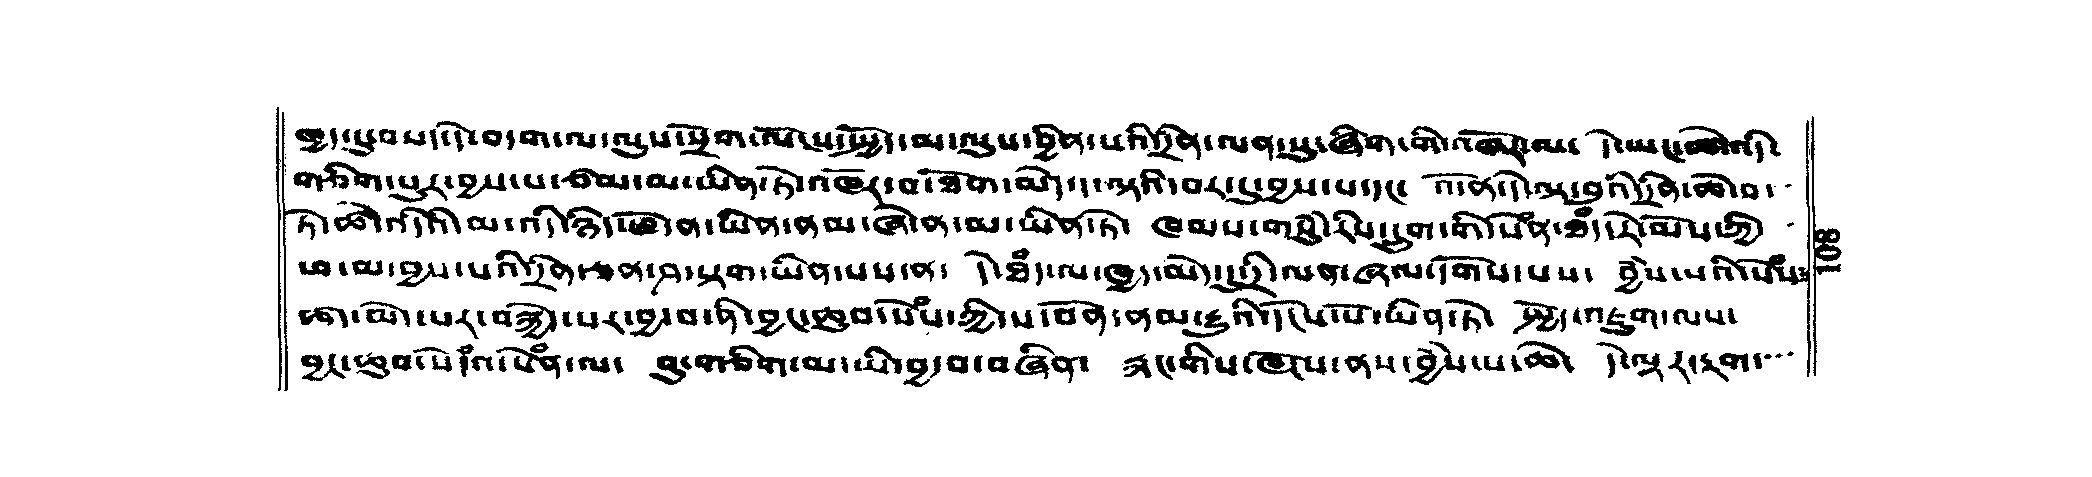ཁྱད་དུ་བསད་དེ་བདག་ལ་ལུས་སྲོག་ལོངས་སྤྱོད་མ་ལུས་བྱིན་པའི་དྲིན་ལན་སུ་ཞིག་གི་འཁོར་ལ། དེ་ཡང་ཚེ་འདི་
གཅིག་པུར་བྱས་པ་ཙམ་མ་ཡིན་ཏེ་འཁོར་བ་ཐོག་མེད་ད་ལྟའི་བར་དུ་བྱས་པ་དང་། འདོན་དེ་ལྟ་བུའི་དྲིན་ཆེ་བ་
ཏེ་ཚེ་འདིའི་མ་འདི་ཉིད་ཁོ་ན་ཡིན་ནམ་ཞེ་ན་མ་ཡིན་ཏེ། ཁམས་གསུམ་རིམ་རིས་དྲུག་གི་སེམས་ཅན་ཐམས་ཅད་རེ་མོས་ཀྱི་
ཕ་མ་བྱས་པའི་དྲིན་ཅན་ཤ་སྟག་ཡིན་པས་ན། དེ་ཐམས་ཅད་ལ་ཁྱད་མེད་དུ་དྲི་ལན་ཞལ་དགོས་པས། བྱམས་པའི་སེམས་
ཚད་མེད་པར་བསྐྱེད་པར་བྱ་བ་ནི་བྱང་ཆུབ་སེམས་ཀྱི་ས་བོན་ནམ་རྒྱུའི་དངོས་པོ་ཡིན་ཏེ། སྤྱོད་འཇུག་ལ་
བྱང་ཆུབ་སེམས་དཔའ་སེམས་ཅན་ལ། བུ་གཅིག་མ་ཡི་བྱ་བ་བཞིན། རྐང་གིས་ཁོངས་ནས་བྱམས་པ་ཆེ། དེ་ལྟར་རྟག་